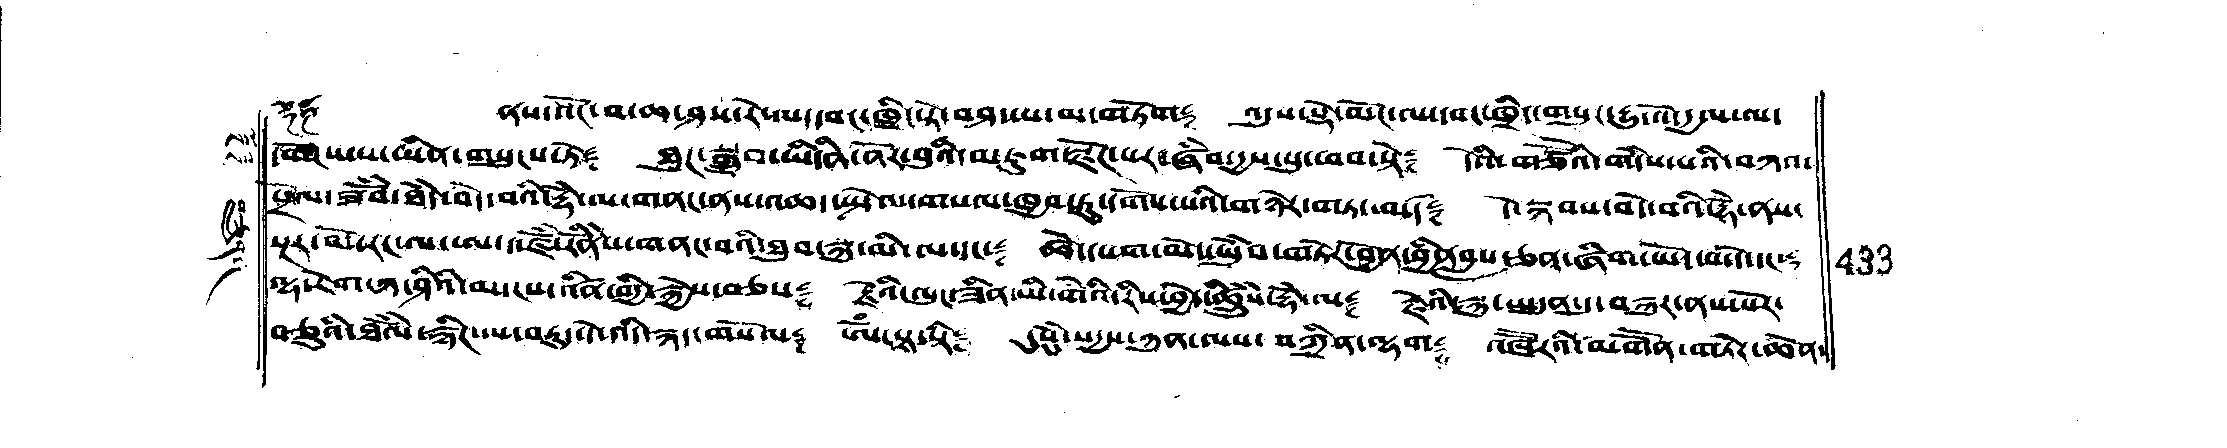ནས་འོང་བ་ཆ་ཤས་རེ་ལ་དབང་ཁྲིད་རེ་བཤད་པ་མ་གཏོགས། འདུས་སྡེ་མང་པོ་ལ་དབང་ཁྲིད་གསུང་རྒྱུ་འོ་རྒྱལ་ལ་
དགོངས་པ་ཡིན་གསུངས་ཏེ། ཐུགས་སྒྲུབ་ཡིད་བཞིན་ནོར་བུའི་མཇུག་རྫོགས་པར་ཞིབ་རྒྱས་སུ་ཕབ་སྟེ། དེའི་གཙོ་བོའི་གདམས་པའི་བཀའ་
སྲོལ་ཟབ་མོ་ཐམས་ཅད་བདེ་བའི་རྡོ་རྗེ་ལ་གནང་ནས་འཆད་སྤེལ་གསལ་ཁྱབ་ཏུ་དགོས་པའི་གཉེར་གཏད་མཛད། དེ་སྐབས་བདེ་བའི་རྡོ་རྗེ་ནས་
སྔར་མོ་རང་ལ་ཨ་འཛོམ་རིན་པོ་ཆེས་གནང་བའི་ཐུབ་སྐུ་མི་ལ་དང་། ཚེ་དཔག་མེད་ཡབ་ཡུམ་གཏེར་བྱོན་བྱིན་རླབས་ཅན་ཞིག་ཡོད་པ་དེ་དང་། 
ལྷ་རེག་ཀ་ཤིའི་མདངས་འཛིན་གྱི་སྐྱེས་བཅས། རྗེའི་ལུང་ཟིན་ཡི་གེའི་རིས་བྱེད་ཚུལ་ཁྲིམས་རྡོ་རྗེ་ལ། རྗེའི་སྐུ་མདུན་དུ་བསྐུར་ནས་སོར་
བཅུའི་ཐལ་མོ་སྙིང་ལ་བཏུད་དེ་འདི་སྐད་གསོལ། ཨོཾ་སྭ་སྟི༔ དུས་གསུམ་སངས་རྒྱས་ཀུན་ལས་བཀའ་དྲིན་ལྷག །འཁོར་ལོའི་མགོན་པོ་གཏེར་ཆེན་